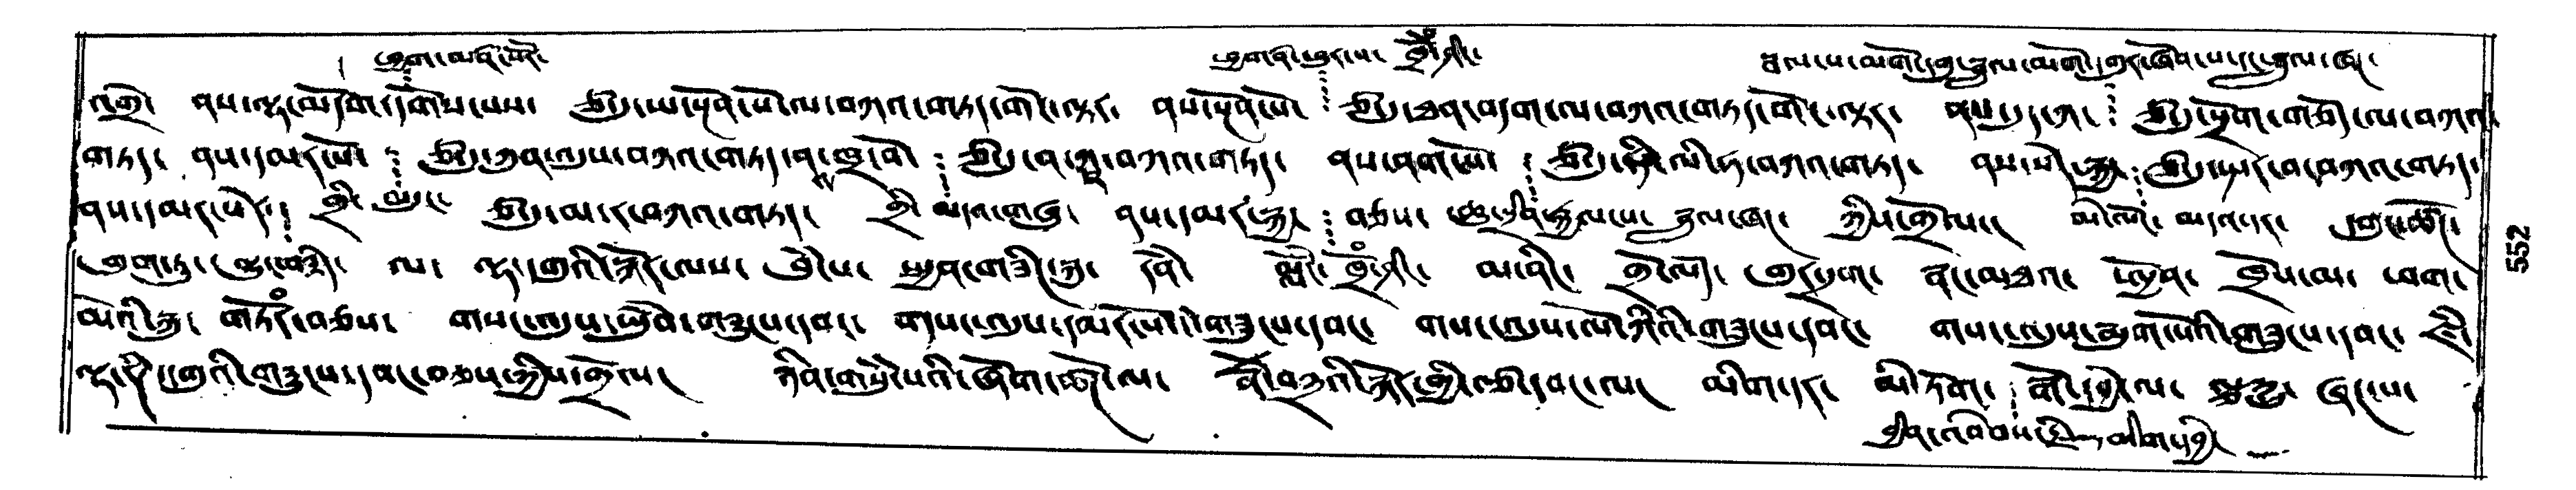འགྲེ། ནས། ལྷ་མདོག་ཕྱག་མཚན་སོ་སོར་དགོས་པས། ཕྱག་མཚན་སོ་སོར། ཙ་དུ་ཡ་སྔོན་པོ་ལ་བཀའ་གཏད་གོང་ལྟར། ནས་སྔོན་པོ། ཕྱག་ན་ཕུར་པ་ཁྲམ་ཤིང་། ཙ་དུ་ཐན་བདག་ལ་བཀའ་གཏད་གོང་ལྟར། ནས་དུད་ཁ། སྦལ་པ་མགོ་དགུས་སྦྲུལ་མགོ་དགུར་བཞོན་པ་དང་སྦྲུལ་ཞགས། ཙ་དུ་སྲོག་གཅོད་ལ་བཀའ་
གཏད། ནས་དམར་པོ། གྲི་མདུང་། ཙ་དུ་ཀུན་འདུས་བཀའ་གཏད། ནས་ཁྲ་བོ། གྲི་མདའ་གཞུ། ཙ་དུ་ནཀྵ་བཀའ་གཏད། ནས་ནག་པོ། ཆུ་སྲིན་རྐྱལ་པ། སྦྲུལ་ཞགས། ཙ་དུ་ཧི་ལི་ཧའི་བཀའ་གཏད། ནས་སེར་སྐྱ། མེ་ལོང་དང་། མདའ་དར། ཙ་དུ་སྤར་བའི་བཀའ་གཏད། 
ནས་དམར་སེར། གའུ། ལྷུང་བཟེད། ཙ་དུ་མ་ར་བཀའ་གཏད། ནས་དམར་སྐྱ། མེ་ལོང་དང་ཁྲམ་ཤིང་བཅས། ཚོགས་གྲོལ། དགུང་ཚོགས་ 
གུག་ཏུ་ ལྷུང་བཟོད་ ལ། ལྷ་དགུའི་སྐོར་ལས། བུམ་པ། སྤྱནགཟིགས་སྐུ། རིན་ཆེན། མ་ནིང་། གྲོ་ལོད། གུར་དྲག སྣང་མཐའ། ཨོ་རྒྱན། ཁྲོས་མ། ཕག་
མོའི་སྐུ། གཏོར་མ་བཅས། གསང་འདུས་ཡབ་ཡུམ་གཟུངས་དབང་། གསང་འདུས་དམར་པོའེ་གཟུངས་དབང་། གསང་འདུས་ལོ་ཀའི་གཟུངས་དབང་། གསང་འདུས་སྨུག་པོའི་གཟུངས་དབང་། ཛམ་
ལྷ་རིགས་དགུའི་གཟུངས་དབང་བཅས་ཀྱིས་གྲོལ། ཉིན་གསུམ་པའི་ཞོག་ཚོགས་ལ། རྣམ་བཀྲའི་སྐོར་གྱི་རྩ་དབང་ལ།མིག་དར། མེ་ཏོག་བྱིན་འབེབས་རྗེས་མིག་དབྱེ། སྒོ་དབྱེ་ལ། ལྕགས་ཀྱུ། ཞགས་པ།